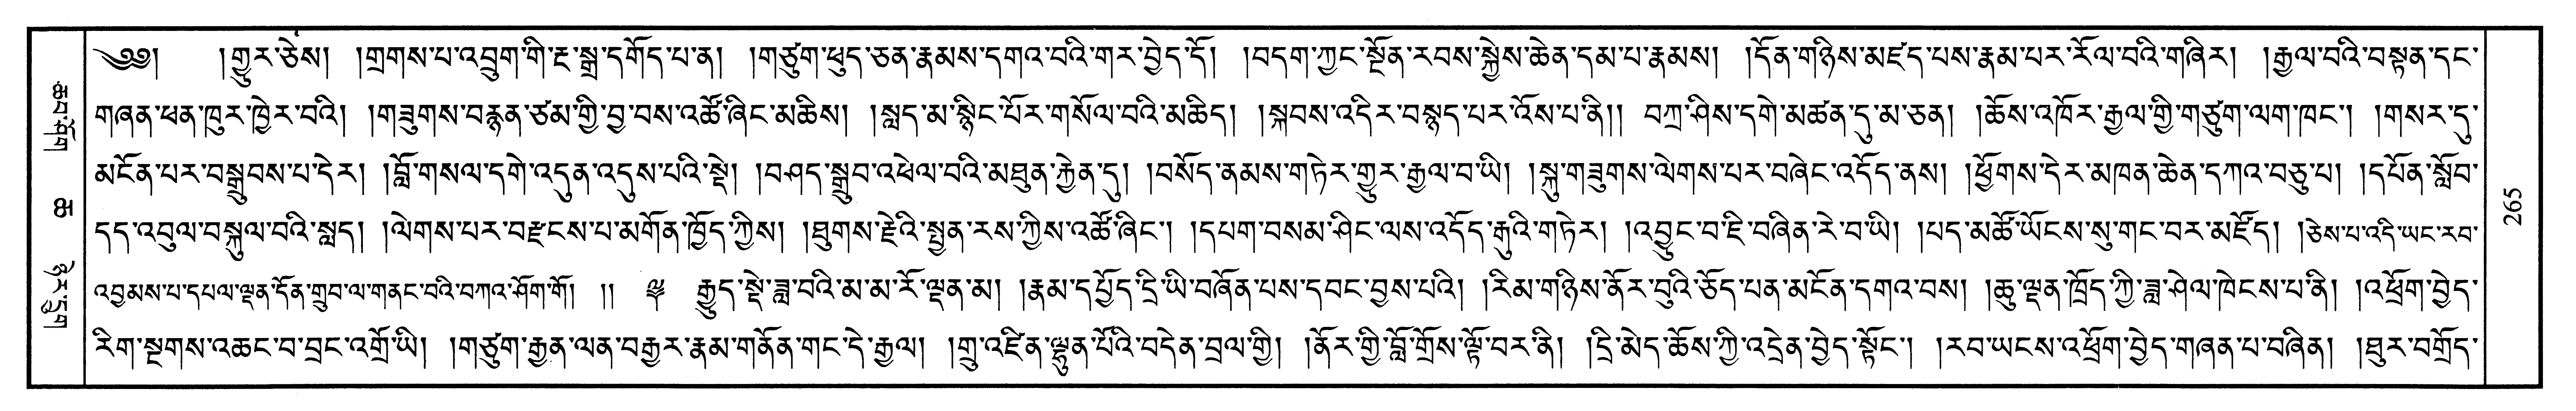༄༅། །གྱུར་ཅེས། །གྲགས་པ་འབྲུག་གི་རྔ་སྒྲ་དགོད་པ་ན། །གཙུག་ཕུད་ཅན་རྣམས་དགའ་བའི་གར་བྱེད་དོ། །བདག་ཀྱང་སྔོན་རབས་སྐྱེས་ཆེན་དམ་པ་རྣམས། །དོན་གཉིས་མཛད་པས་རྣམ་པར་རོལ་བའི་གཞིར། །རྒྱལ་བའི་བསྟན་དང་
གཞན་ཕན་ཁུར་ཁྱེར་བའི། །གཟུགས་བརྙན་ཙམ་གྱི་བྱ་བས་འཚོ་ཞིང་མཆིས། །སླད་མ་སྙིང་པོར་གསོལ་བའི་མཆིད། །སྐབས་འདིར་བསྙད་པར་འོས་པ་ནི། །བཀྲ་ཤིས་དགེ་མཚན་དུ་མ་ཅན། །ཆོས་འཁོར་རྒྱལ་གྱི་གཙུག་ལག་ཁང་། །གསར་དུ་
མངོན་པར་བསྒྲུབས་པ་དེར། །བློ་གསལ་དགེ་འདུན་འདུས་པའི་སྡེ། །བཤད་སྒྲུབ་འཕེལ་བའི་མཐུན་རྐྱེན་དུ། །བསོད་ནམས་གཏེར་གྱུར་རྒྱལ་བ་ཡི། །སྐུ་གཟུགས་ལེགས་པར་བཞེང་འདོད་ནས། །ཕྱོགས་དེར་མཁན་ཆེན་དཀའ་བཅུ་པ། །དཔོན་སློབ་
དད་འབུལ་བསྐུལ་བའི་སླད། །ལེགས་པར་བརྫངས་པ་མགོན་ཁྱོད་ཀྱིས། །ཐུགས་རྗེའི་སྤྱན་རས་ཀྱིས་འཚོ་ཞིང་། །དཔག་བསམ་ཤིང་ལས་འདོད་རྒུའི་གཏེར། །འབྱུང་བ་ཇི་བཞིན་རེ་བ་ཡི། །པད་མཚོ་ཡོངས་སུ་གང་བར་མཛོད། །ཅེས་པ་འདི་ཡང་རབ་
འབྱམས་པ་དཔལ་ལྡན་དོན་གྲུབ་ལ་གནང་བའི་བཀའ་ཤོག་གོ། །། ༈ རྒྱུད་སྡེ་ཟླ་བའི་མ་མ་རོ་ལྡན་མ། །རྣམ་དཔྱོད་དྲི་ཡི་བཞོན་པས་དབང་བྱས་པའི། །རིམ་གཉིས་ནོར་བུའི་ཅོད་པན་མངོན་དགའ་བས། །ཆུ་ལྡན་ཁྲོད་ཀྱི་ཟླ་ཤེལ་ཁེངས་པ་ནི། །འཕྲོག་བྱེད་
རིག་སྔགས་འཆང་བ་བྲང་འགྲོ་ཡི། །གཙུག་རྒྱན་ལན་བརྒྱར་རྣམ་གནོན་གང་དེ་རྒྱལ། །གྲུ་འཛིན་ལྷུན་པོའི་བདེན་བྲལ་གྱི། །ནོར་གྱི་བློ་གྲོས་ལྟོ་བར་ནི། །དྲི་མེད་ཆོས་ཀྱི་འདྲེན་བྱེད་སྟོང་། །རབ་ཡངས་འཕྲོག་བྱེད་གཞན་པ་བཞིན། །ཐུར་བགྲོད་